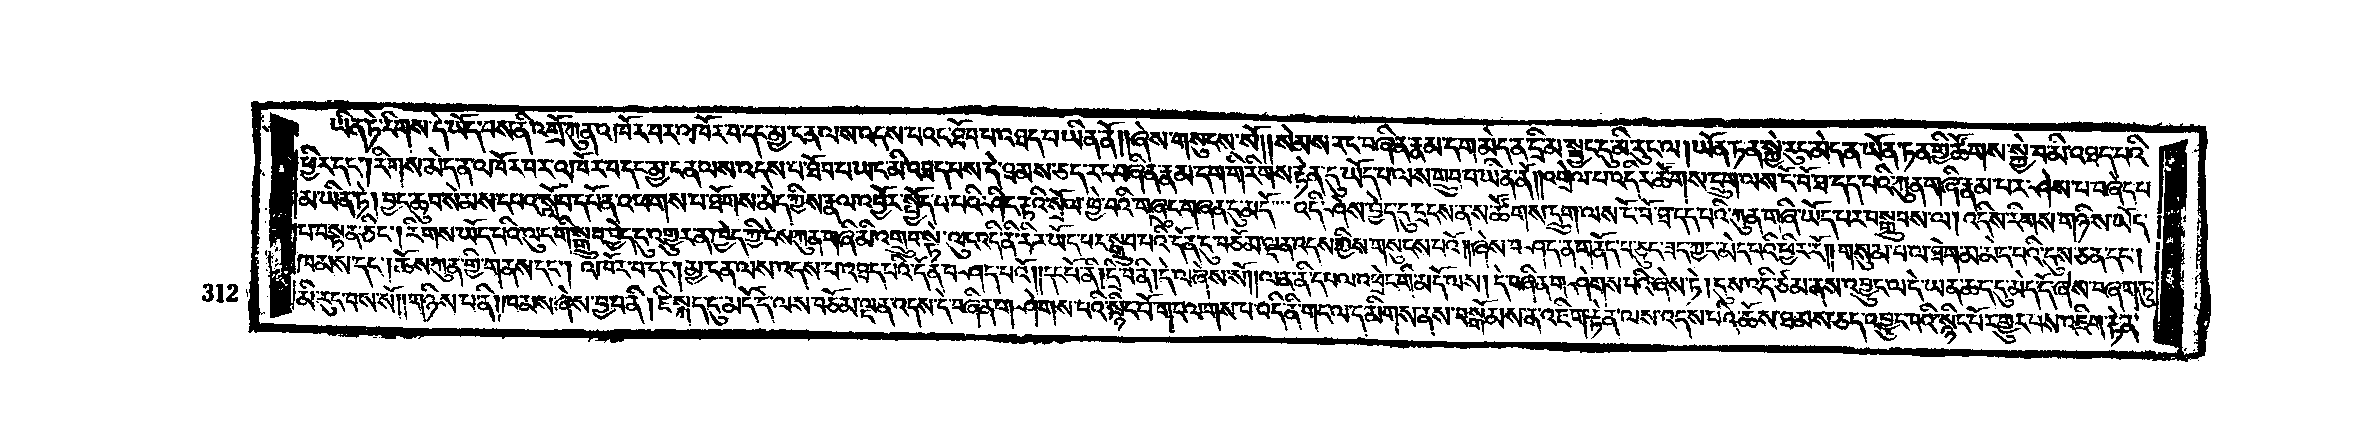ཡིན་ཏེ་རིགས་དེ་ཡོད་པས་ནི་འགྲོ་ཀུན་འཁོར་བར་འཁོར་བ་དང་མྱ་ངན་ལས་འདས་པའང་ཐོབ་པ་འཐད་པ་ཡིན་ནོ། །ཞེས་གསུངས་སོ། །སེམས་རང་བཞིན་རྣམ་དག་མེད་ན་དྲི་མ་སྦྱང་དུ་མི་རུང་ལ། ཡོན་ཏན་སྐྱེ་རུང་མེད་ན་ཡོན་ཏན་གྱི་ཚོགས་སྐྱེ་བ་མི་འཐད་པའི་
ཕྱིར་དང་། རིགས་མེད་ན་འཁོར་བར་འཁོར་བ་དང་མྱ་ངན་ལས་འདས་པ་ཐོབ་པ་ཡང་མི་འཐད་པས་དེ་ཐམས་ཅད་རང་བཞིན་རྣམ་དག་གི་རིགས་རྟེན་དུ་ཡོད་པ་ལས་གྲུབ་པ་ཡིན་ནོ། །འགྲེལ་པ་འདིར་ཚོགས་དྲུག་ལས་ངོ་བོ་ཐ་དད་པའི་ཀུན་གཞི་རྣམ་པར་ཤེས་པ་བཞེད་པ་
མ་ཡིན་ཏེ། བྱང་ཆུབ་སེམས་དཔའ་སློབ་དཔོན་འཕགས་པ་ཐོགས་མེད་ཀྱིས་རྣལ་འབྱོར་སྤྱོད་པ་པའི་ཤིང་རྟའི་སྲོལ་ཕྱེ་བའི་གཞུང་གཞན་དུ་མདོ་འདི་ཤེས་བྱེད་དུ་དྲངས་ན་ས་ཚོགས་དྲུག་ལས་ངོ་བོ་ཐ་དད་པའི་ཀུན་གཞི་ཡོད་པར་བསྒྲུབས་ལ། འདིས་རིགས་གཉིས་ཡོད་
པ་བསྟན་ཅིང་། རིགས་ཡོད་པའི་ལུང་གི་སྒྲུབ་བྱེད་དུ་འགྱུར་ན་ཁྱེད་ཀྱི་ངེས་ཀུན་གཞི་མི་འགྲུབ་སྟེ་ལུང་འདི་ནི་རིགས་ཡོད་པར་སྒྲུབ་པའི་དོན་དུ་བཅོམ་ལྡན་འདས་ཀྱིས་གསུངས་པའོ། །ཞེས་བཤད་ན་གནོད་པ་ཅུང་ཟད་ཀྱང་མེད་པའི་ཕྱིར་རོ། །གསུམ་པ་ལ་ཐོག་མ་མེད་པའི་དུས་ཅན་དང་།
ཁམས་དང་། ཆོས་ཀུན་གྱི་གནས་དང་། འཁོར་བ་དང་། མྱ་ངན་ལས་འདས་པ་འཐད་པའི་དོན་བཤད་པའོ། །དང་པོ་ནི། དྲི་བ་ནི། དེ་ལ་ཞེས་སོ། །ལན་ནི་དཔལ་འཕྲེང་གི་མདོ་ལས། དེ་བཞིན་གཤེགས་པའི་ཞེས་ཏེ། དུས་འདི་ཙམ་ནས་འབྱུང་ལ་དེ་ཡན་ཆད་དུ་མེད་དོ་ཞེས་བཞག་ཏུ་
མི་རུང་བས་སོ། །གཉིས་པ་ནི། ཁམས་ཞེས་བྱ་བ་ནི། ཇི་སྐད་དུ་མདོ་དེ་ལས་བཅོམ་ལྡན་འདས་དེ་བཞིན་གཤེགས་པའི་སྙིང་པོ་གང་ལགས་པ་འདི་ནི་གང་ལ་དམིགས་ནས་བསྒོམས་ན་འཇིག་རྟེན་ལས་འདས་པའི་ཆོས་ཐམས་ཅད་འབྱུང་བའི་སྙིང་པོར་གྱུར་པས་འཇིག་རྟེན་